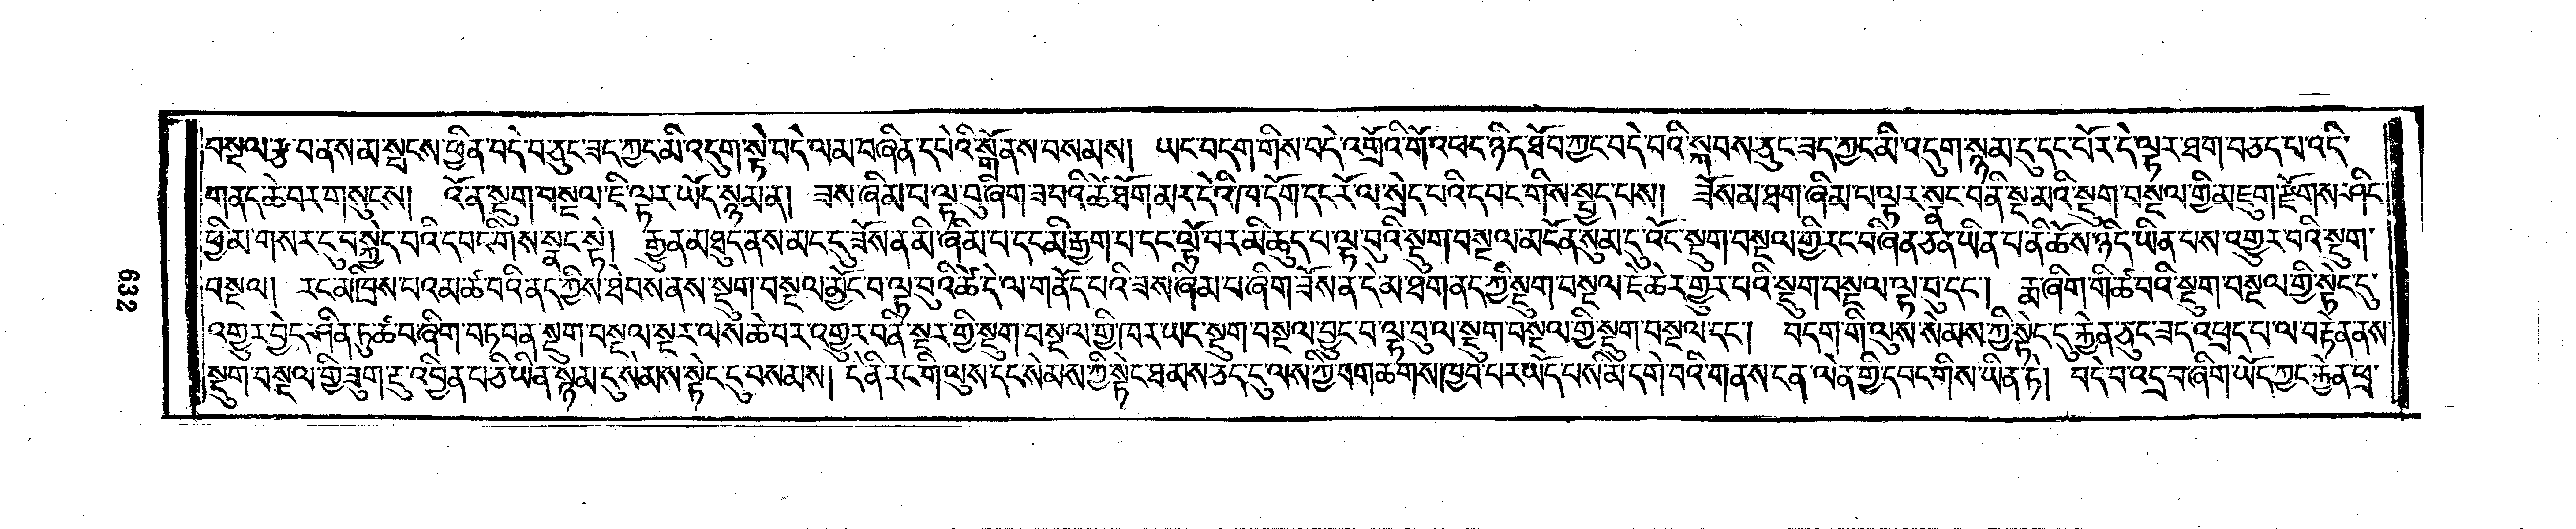བསྔལ་རྩ་བ་ནས་མ་སྤངས་ཕྱིན་བདེ་བ་ཅུང་ཟད་ཀྱང་མི་འདུག་སྟེ་བདེ་ལམ་བཞིན་དཔེའི་སྒོ་ནས་བསམས། ཡང་བདག་གིས་བདེ་འགྲོའི་གོ་འཕང་ཉིད་ཐོབ་ཀྱང་བདེ་བའི་སྐབས་ཅུང་ཟད་ཀྱང་མི་འདུག་སྙམ་དུ་དང་པོར་དེ་ལྟར་ཐག་བཅད་པ་འདི་
གནད་ཆེ་བར་གསུངས། འོ་ན་སྡུག་བསྔལ་ཇི་ལྟར་ཡོད་སྙམ་ན། ཟས་ཞིམ་པ་ལྟ་བུ་ཞིག་ཟ་པའི་ཚེ་ཐོག་མར་དེའི་ཁ་དོག་དང་རོལ་སྲེད་པའི་དབང་གིས་སྤྱད་པས། ཟོས་མ་ཐག་ཞིམ་པ་ལྟར་སྣང་བ་ནི་སྔ་མའི་སྡུག་བསྔལ་གྱི་མཇུག་རྫོགས་ཤིང་
ཕྱི་མ་གསར་དུ་བསྐྱེད་པའི་དབང་གིས་སྣང་སྟེ། རྒྱུན་མཐུད་ནས་མང་དུ་ཟོས་ན་མི་ཞིམ་པ་དང་མི་རྒྱག་པ་དང་ལྟོ་བར་མི་ཆུད་པ་ལྟ་བུའི་སྡུག་བསྔལ་མངོན་སུམ་དུ་འོང་སྡུག་བསྔལ་གྱི་རང་བཞིན་ཅན་ཡིན་པ་ནི་ཆོས་ཉིད་ཡིན་པས་འགྱུར་བའི་སྡུག་
བསྔལ། རང་མཁྲིས་པའམ་ཚ་བའི་ནད་ཀྱིས་ཐེབས་ནས་སྡུག་བསྔལ་མྱོང་བ་ལྟ་བུའི་ཚེ་དེ་ལ་གནོད་པའི་ཟས་ཞིམ་པ་ཞིག་ཟོས་ན་དེ་མ་ཐག་ནད་ཀྱི་སྡུག་བསྔལ་ཇེ་ཆེར་གྱུར་པའི་སྡུག་བསྔལ་ལྟ་བུ་དང་། རྨ་ཞིག་གི་ཚ་བའི་སྡུག་བསྔལ་གྱི་སྟེང་དུ་
འགྱུར་བྱེད་ཤིན་ཏུ་ཚ་བ་ཞིག་བཏབ་ན་སྡུག་བསྔལ་སྔར་ལས་ཆེ་བར་འགྱུར་བ་ནི་སྔར་གྱི་སྡུག་བསྔལ་གྱི་ཁར་ཡང་སྡུག་བསྔལ་བྱུང་བ་ལྟ་བུ་ལ་སྡུག་བསྔལ་གྱི་སྡུག་བསྔལ་དང་། བདག་གི་ལུས་སེམས་ཀྱི་སྟེང་དུ་རྐྱེན་ཅུང་ཟད་འཕྲད་པ་ལ་བརྟེན་ནས་
སྡུག་བསྔལ་གྱི་ཟུག་རྡུ་འབྱིན་པ་ཅི་ཡིན་སྙམ་དུ་སེམས་སྟེང་དུ་བསམས། དེ་ནི་རང་གི་ལུས་དང་སེམས་ཀྱི་སྟེང་ཐམས་ཅད་དུ་ལས་ཀྱི་བག་ཆགས་ཁྱབ་པར་ཡོད་བས་མི་དགེ་བའི་གནས་ངན་ལེན་གྱི་དབང་གིས་ཡིན་ཏེ། བདེ་བ་འདྲ་བ་ཞིག་ཡོད་ཀྱང་རྐྱེན་ཕྲ་